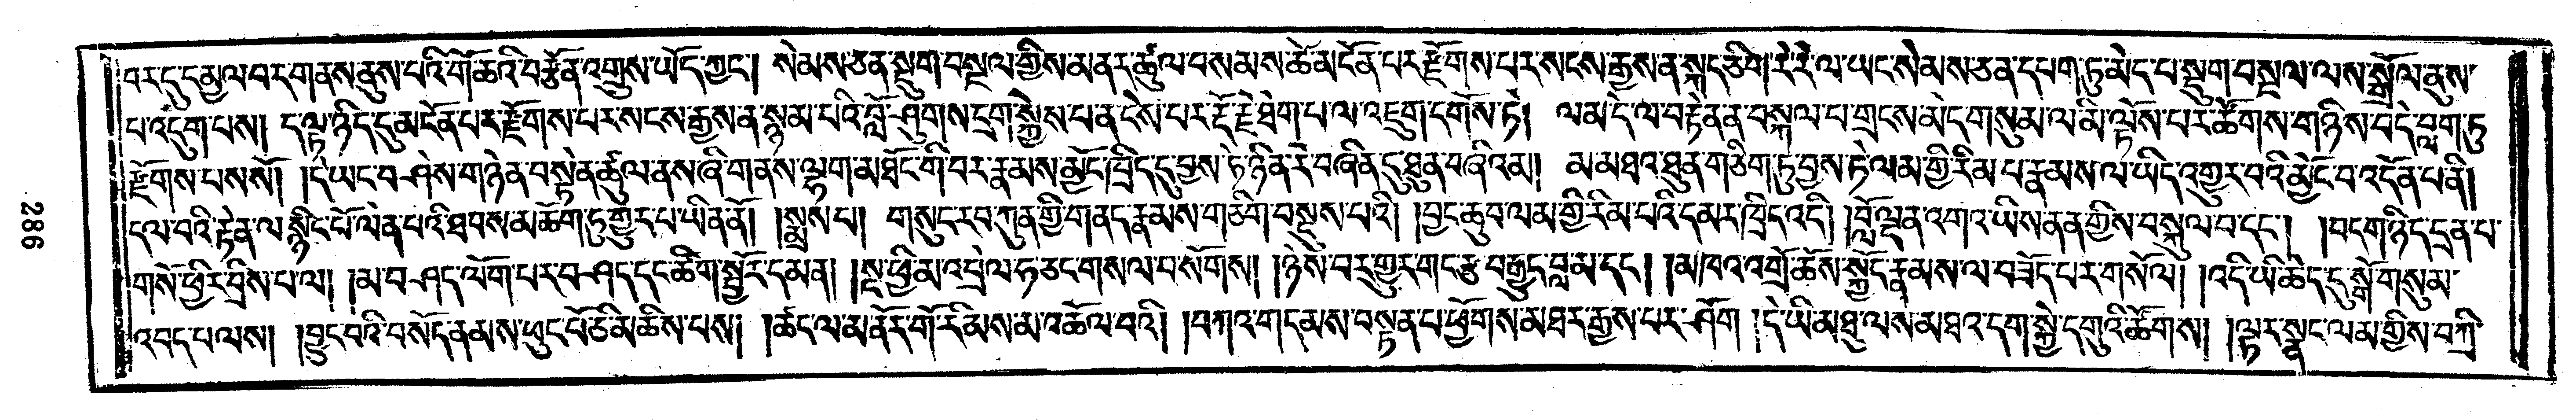བར་དུ་དམྱལ་བར་གནས་ནུས་པའི་གོ་ཆའི་བརྩོན་འགྲུས་ཡོད་ཀྱང་། སེམས་ཅན་སྡུག་བསྔལ་གྱིས་མནར་ཚུལ་བསམས་ཚེ་མངོན་པར་རྫོགས་པར་སངས་རྒྱས་ན་སྐད་ཅིག་རེ་རེ་ལ་ཡང་སེམས་ཅན་དཔག་ཏུ་མེད་པ་སྡུག་བསྔལ་ལས་སྒྲོལ་ནུས་
པ་འདུག་པས། ད་ལྟ་ཉིད་དུ་མངོན་པར་རྫོགས་པར་སངས་རྒྱས་ན་སྙམ་པའི་བློ་ཤུགས་དྲག་སྐྱེས་པ་ན་ངེས་པར་རྡོ་རྗེ་ཐེག་པ་ལ་འཇུག་དགོས་ཏེ། ལམ་དེ་ལ་བརྟེན་ན་བསྐལ་པ་གྲངས་མེད་གསུམ་ལ་མི་ལྟོས་པར་ཚོགས་གཉིས་བདེ་བླག་ཏུ་
རྫོགས་པས་སོ། །དེ་ཡང་བཤེས་གཉེན་བསྟེན་ཚུལ་ནས་ཞི་གནས་ལྷག་མཐོང་གི་བར་རྣམས་མྱོང་ཁྲིད་དུ་བྱས་ཏེ་ཉིན་རེ་བཞིན་དུ་ཐུན་བཞིའམ། མ་མཐའ་ཐུན་གཅིག་ཏུ་བྱས་ཏེ་ལམ་གྱི་རིམ་པ་རྣམས་ལ་ཡིད་འགྱུར་བའི་མྱོང་བ་འདོན་པ་ནི།
དལ་བའི་རྟེན་ལ་སྙིང་པོ་ལེན་པའི་ཐབས་མཆོག་ཏུ་གྱུར་པ་ཡིན་ནོ། །སྨྲས་པ། གསུང་རབ་ཀུན་གྱི་གནད་རྣམས་གཅིག་བསྡུས་པའི། །བྱང་ཆུབ་ལམ་གྱི་རིམ་པའི་དམར་ཁྲིད་འདི། །བློ་ལྡན་འགའ་ཡིས་ནན་གྱིས་བསྐུལ་བ་དང་། །བདག་ཉིད་དྲན་པ་
གསོ་ཕྱིར་བྲིས་པ་ལ། །མ་བཤད་ལོག་པར་བཤད་དང་ཚིག་སྦྱོར་དམན། །སྔ་ཕྱི་མ་འབྲེལ་ཧ་ཅང་གསལ་བ་སོགས། །ཉེས་བར་གྱུར་གང་རྩ་བརྒྱུད་བླ་མ་དང་། །མཁའ་འགྲོ་ཆོས་སྐྱོད་རྣམས་ལ་བཟོད་པར་གསོལ། །འདི་ཡི་ཆེད་དུ་སྒོ་གསུམ་
འབད་པ་ལས། །བྱུང་བའི་བསོད་ནམས་ཕུང་པོ་ཅི་མཆིས་པས། །ཚང་ལ་མ་ནོར་གོ་རིམས་མ་འཆོལ་བའི། །བཀའ་གདམས་བསྟན་པ་ཕྱོགས་མཐར་རྒྱས་པར་ཤོག །དེ་ཡི་མཐུ་ལས་མཐའ་དག་སྐྱེ་དགུའི་ཚོགས། །ལྟར་སྣང་ལམ་གྱིས་བཀྲི་